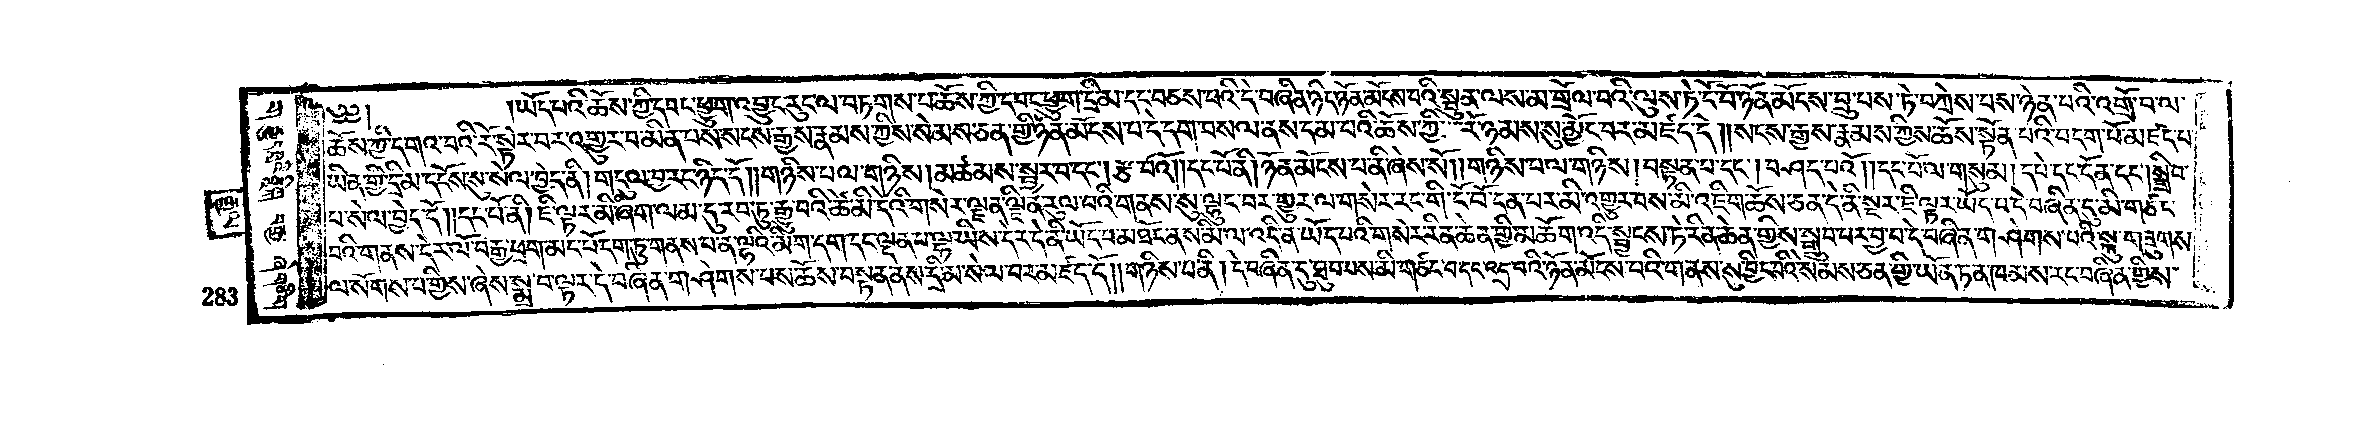༄༅། །ཡོད་པའི་ཆོས་ཀྱི་དབང་ཕྱུག་འབྱུང་རུང་ལ་བཏགས་པ་ཆོས་ཀྱི་དབང་ཕྱུག་དྲི་མ་དང་བཅས་པའི་དེ་བཞིན་ཉིད་ཉོན་མོངས་པའི་སྦུན་ལས་མ་གྲོལ་བའི་ལུས་ཏེ་ངོ་བོ་ཉོན་མོངས་བྲུ་པས་ཏེ་བཀྲེས་པས་ཉེན་པའི་འགྲོ་བ་ལ་
ཆོས་ཀྱི་དགའ་བའི་རོ་སྟེར་བར་འགྱུར་བ་མིན་པས་སངས་རྒྱས་རྣམས་ཀྱིས་སེམས་ཅན་གྱི་ཉོན་མོངས་པ་དེ་དག་བསལ་ནས་དམ་པའི་ཆོས་ཀྱི་རོ་ཉམས་སུ་མྱོང་བར་མཛད་དེ། །སངས་རྒྱས་རྣམས་ཀྱིས་ཆོས་སྟོན་པའི་བདག་པོའི་མཛད་པ་
ཡིན་གྱི་དྲི་མ་དངོས་སུ་སེལ་བྱེད་ནི། གདུལ་བྱ་རང་ཉིད་དོ། །གཉིས་པ་ལ་གཉིས། མཚམས་སྦྱར་བ་དང་། རྩ་བའོ། །དང་པོ་ནི། ཉོན་མོངས་པ་ནི་ཞེས་སོ། །གཉིས་པ་ལ་གཉིས། བསྟན་པ་དང་། བཤད་པའོ། །དང་པོ་ལ་གསུམ། དཔེ་དང་དོན་དང་། སྒྲིབ་
པ་སེལ་བྱེད་དོ། །དང་པོ་ནི། ཇི་ལྟར་མི་ཞིག་ལམ་དུ་རབ་ཏུ་རྒྱུ་བའི་ཚེ་མི་དེའི་གསེར་ལྗན་ལྗིན་རུལ་པའི་གནས་སུ་ལྷུང་བར་གྱུར་ལ་གསེར་རང་གི་ངོ་བོ་ངན་པར་མི་འགྱུར་བས་མི་འཇིག་ཆོས་ཅན་དེ་ནི་སྔར་ཇི་ལྟར་ཡོད་པ་དེ་བཞིན་དུ་མི་གཙང་
བའི་གནས་དེར་ལོ་བརྒྱ་ཕྲག་མང་པོ་དག་ཏུ་གནས་པ་ན་ལྷའི་མིག་དག་དང་ལྡན་པ་ལྷ་ཡིས་དེར་དེ་ནི་ཡོད་པ་མཐོང་ནས་མི་ལ་འདི་ན་ཡོད་པའི་གསེར་རིན་ཆེན་གྱི་མཆོག་འདི་སྦྱངས་ཏེ་རིན་ཆེན་གྱིས་སྒྲུབ་པར་བྱ་བ་དེ་བཞིན་གཤེགས་པའི་སྐུ་གཟུགས་
ལ་སོགས་པ་གྱིས་ཞེས་སྨྲ་བ་ལྟར་དེ་བཞིན་གཤེགས་པས་ཆོས་བསྟན་ནས་དྲི་མ་སེལ་བར་མཛད་དོ། །གཉིས་པ་ནི། དེ་བཞིན་དུ་ཐུབ་པས་མི་གཙང་བ་དང་འདྲ་བའི་ཉོན་མོངས་པའི་གནས་སུ་བྱིང་བའི་སེམས་ཅན་གྱི་ཡོན་ཏན་ཁམས་རང་བཞིན་གྱིས་